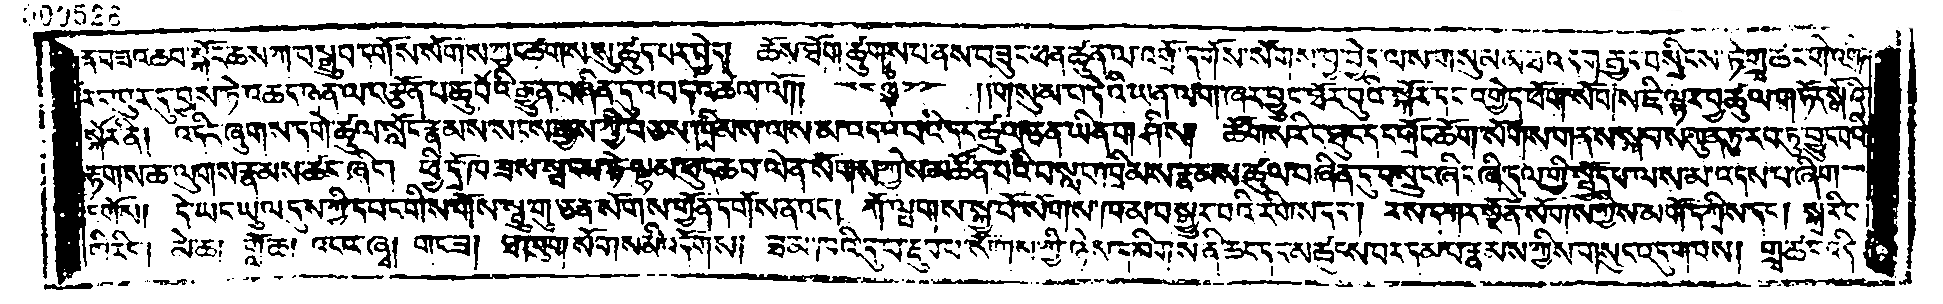ན་བཟའ་ཆབ་སྐོར་ཆས་ཀ་བསྒྲུབ་དགོས་སོགས་ཀྱང་ཚགས་སུ་ཚུད་པར་བྱེད། ཆོས་ཐོག་ཚུགས་པ་ནས་བཟུང་ཕན་ཚུན་ལ་འགྲོ་དགོས་སོགས་བྱ་བྱེད་ལས་གསུམ་མཐའ་དག་རྒྱང་བསྲིངས་ཏེ་གྲྭ་ཚང་གི་འགྲིགས་
རང་ཁུར་དུ་བྱས་ཏེ་འཆད་ཉན་ལ་བརྩོན་པ་ཆུ་བོའི་རྒྱུན་བཞིན་དུ་འབད་འཚལ་ལོ།། ༈ །།གསུམ་པ་དེའི་ཡན་ལག་ཞར་བྱུང་ཐོར་བུའི་སྐོར་དང་འགྱེད་ཕོག་སོགས་ཇི་ལྟར་བྱ་ཚུལ་གཏོང་སྒོའི་
སྐོར་ནི། འདིར་ཞུགས་དགེ་ཚུལ་སློང་རྣམས་སངས་རྒྱས་ཀྱི་བཅས་ཁྲིམས་ལས་མ་འདའ་བའི་དང་ཚུལ་ཅན་ཡིན་གཤིས། ཚོགས་རིང་ཐུང་དང་གྲོང་ཆོག་སོགས་གནས་སྐབས་ཀུན་ཏུ་རབ་ཏུ་བྱུང་བའི་
རྟགས་ཆ་ལུགས་རྣམས་ཚང་ཞིང་། ཕྱི་དྲོ་ཁ་ཟས་སྤངས་ཏེ་ལྷམ་ཕུད་ཆབ་ལེན་སོགས་ཀྱིས་མཚོན་པའི་བསླབ་ཁྲིམས་རྣམས་ཚུལ་བཞིན་དུ་བསྲུང་ཞིང་ཞི་དུལ་གྱི་སྤྱོད་པ་ལས་མ་འདས་པ་ཞིག་
དགོས། དེ་ཡང་ཡུལ་དུས་ཀྱི་དབང་གིས་གོས་སྤུ་གུ་ཅན་སོགས་གྱོན་དགོས་ནའང་། ཀོ་ལྤགས་སྐྱ་བོ་སོགས་ཁ་མ་བསྒྱུར་བའི་རིགས་དང་། རས་དཀར་སྔོན་སོགས་ཀྱིས་མགོ་དཀྲིས་དང་། སྐྲ་རིང་
གྲི་རིང་། མེ་ཆ། གློ་ཆ། འབར་ཞྭ། གང་ཟ། ཐ་ཁུག་སོགས་མི་འདོགས། ཐ་མ་ཁའི་དུ་བ་རྡུབ་པ་སོགས་ཀྱི་ཉེས་དམིགས་ནི་ཆང་དང་མཚུངས་པར་དམ་པ་རྣམས་ཀྱིས་གསུང་འདུག་པས། གྲྭ་ཚང་འདི་